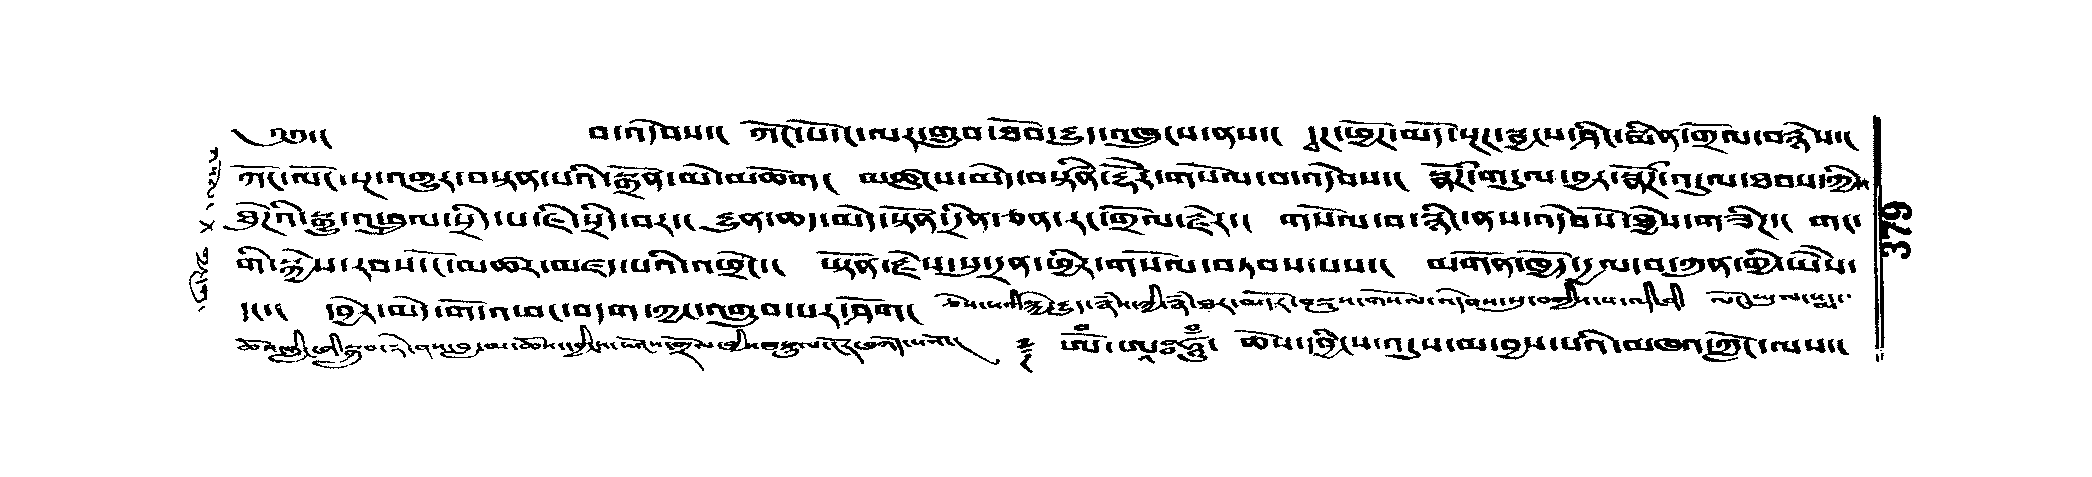བ་འདེབས། །ཀོང་པོ་ང་ལར་གྲུབ་ཐོབ་རྒྱུད་འཁྲུངས་ནས། །དྭགས་ཕྱོགས་མདོ་སྔགས་སྦྱངས་ཤིང་སྨིན་གྲོལ་བརྙེས། །
ཀོང་ལོང་སྔ་འགྱུར་བསྟན་པའི་སྒྲོན་མེ་མཆོག །མཚུངས་མེད་བསྟན་འཛིན་རྡོ་རྗེར་གསོལ་བ་འདེབས། །སྣ་ཚོགས་གདུལ་བྱར་སྣ་ཚོགས་འདུལ་ཐབས་ཀྱིས། །
ཐུགས་རྗེའི་སྒྱུ་འཕྲུལ་སྲིད་པ་ཇི་སྲིད་བར། །རྒྱུན་ཆད་མེད་སྟོན་དྲིན་ཅན་རང་གྲོལ་རྗེར། །གསོལ་བ་སྙིང་ནས་འདེབས་སོ་ཐུགས་རྗེས་གཟིགས། །གང་
གི་སྐྱེས་རབས་ངོ་མཚར་མཛད་པའི་འཕྲེང་། །ཡོན་ཏན་རྗེས་སུ་དྲན་ཕྱིར་གསོལ་བཏབ་པས། །མགོན་ཁྱོད་རྒྱལ་བ་ཀུན་གྱི་ཡེ་ཤེས་
དང་། །དབྱེར་མེད་གོ་འཕང་བདག་ཀྱང་འགྲུབ་པར་ཤོག ཅེས་པའི་སྐྱེ་རྒྱུད་རྣམས་ཀྱི་རྣམ་ཐར་མདོར་བསྡུས་གསོལ་འདེབས་སུ་བགྱིས་པ་འདི་ནི། ལོང་ཡུལ་པདྨ་
ཆོས་གླིང་གི་སྒྲུབ་སྡེ་ནས་བླ་མ་ཆོས་དབྱིངས་ཡོངས་གྲོལ་གྱིས་བསྐུལ་ངོར་བཀོད་པའོ།། ༈ ཨོཾ་ཨཱཿཧཱུྃ། ཆོས་དབྱིངས་འདུས་མ་བྱས་པའི་མཁའ་ཀློང་ལས།